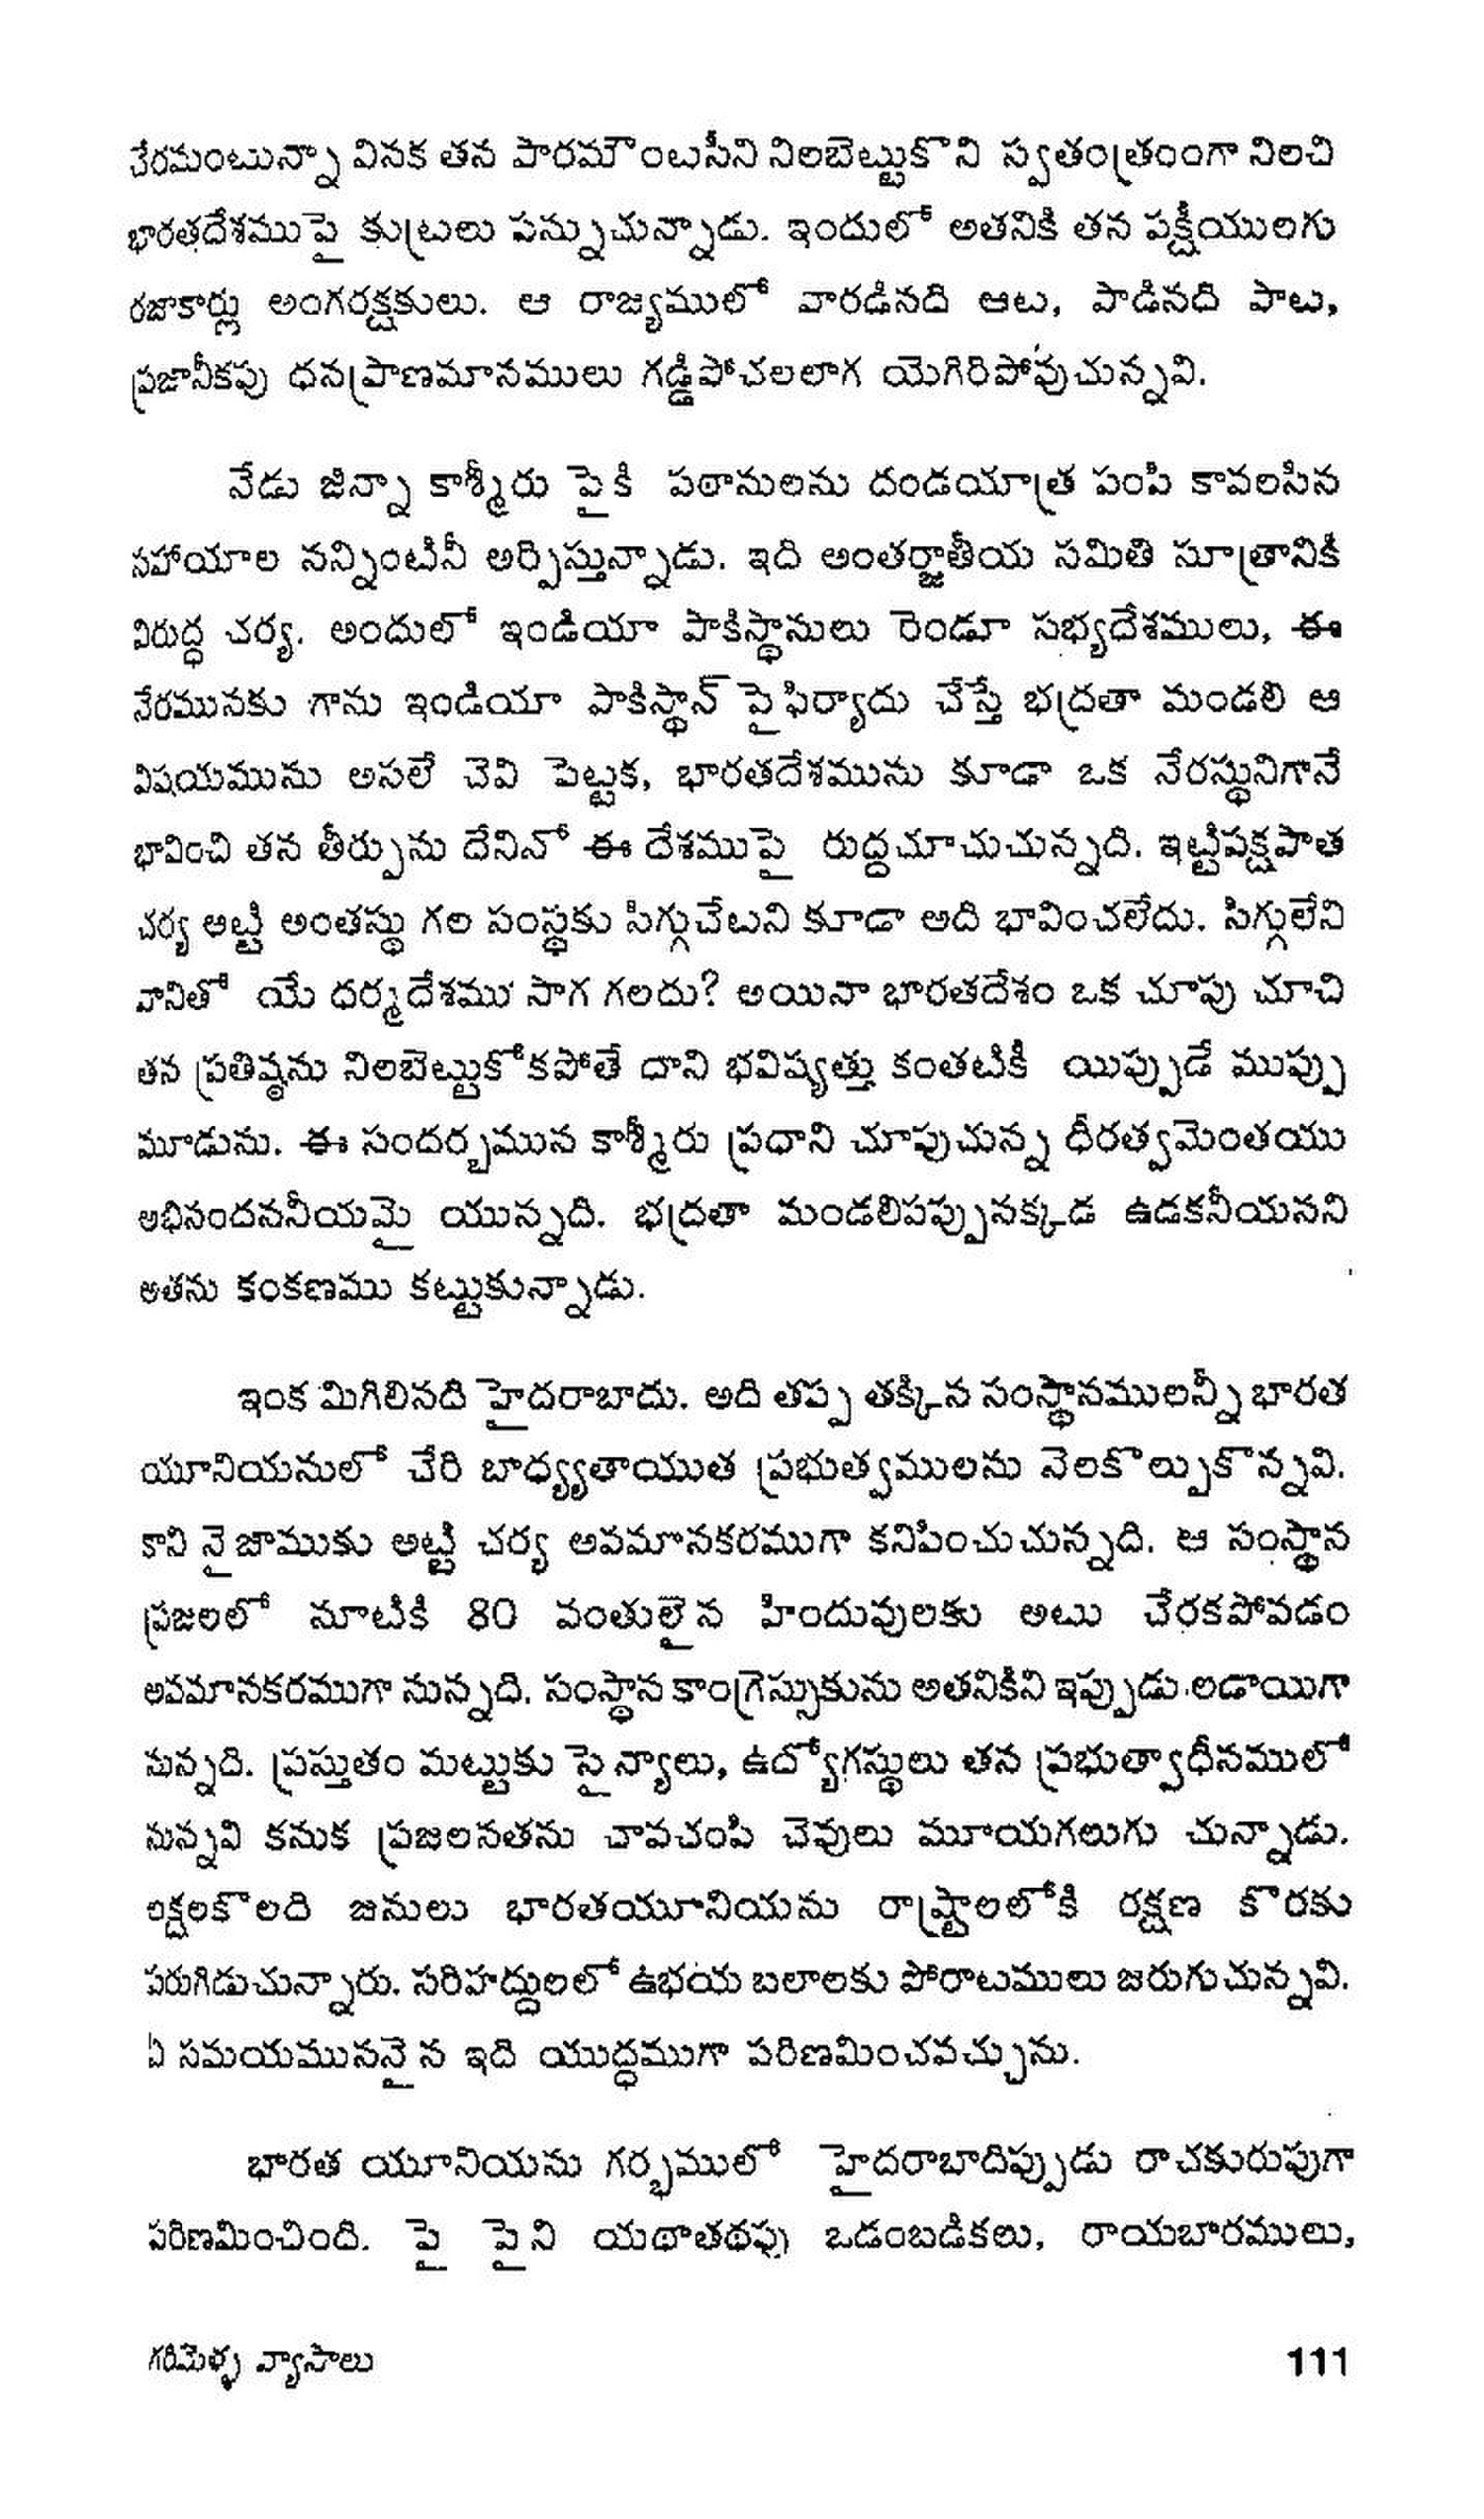చేరమంటున్నా వినక తన పారమౌంటసిని నిలిబెట్టుకొని స్వతంత్రంగా నిలచి భారతదేశముపై కుట్రలు పన్నుచున్నాడు. ఇందులో అతనికి తన పక్షీయులగు రజాకార్లు అంగరక్షకులు ఆ రాజ్యములో వారాడినది ఆట, పాడినది పాట. ప్రజానీకపు ధనప్రాణమానములు గడ్దిపోచలలాగ యెగిరిపోవుచున్నవి.

నేడు జిన్నా కాశ్మీరు పైకి పఠానులను దండయాత్ర పంపి కావలసిన సహాయాల నన్నింటినీ అర్పిస్తున్నాడు. ఇది అంతర్జాతీయ సమితి సూత్రానికి విరుద్ధ చర్య. అందులో ఇండియా పాకిస్థానులు రెండూ సభ్యదేశములు. ఈ నేరమునకు గాను ఇండియా పాకిస్థాన్ పై ఫిర్యాదు చేస్తే భద్రతా మండలి ఆ విషయమును అసలే చెవి పెట్టక, భారతదేశమును కూడా ఒక నేరస్థునిగానే భావించి తన తీర్పును దేనినో ఈ దేశముపై రుద్దచూచుచున్నది ఇట్టిపక్షపాత చర్య అట్టి అంతస్థు గల సంస్ధకు సిగ్గుచేటని కూడా అది భావించలేదు. సిగ్గులేని వానితో యే ధర్మము సాగ గలదు? అయినా భారదేశం ఒక చూపు చూచి తన ప్రతిష్ఠను నిలబెట్టుకోకపోతే దాని భవిష్యత్తు కంతటికీ యిప్పుడే ముప్పు మూడును. ఈ సందర్బమున కాశ్మీరు ప్రధాని చూపుచున్న ధీరత్వమెంతయు అభినందనీయమై యున్నది. భద్రతా మండలిపప్పునక్కడ ఉడకనీయనని అతను కంకణము కట్టుకున్నాడు.

ఇంక మిగిలినది హైదరాబాదు. అది తప్ప తక్కిన సంస్థానములన్నీ భారతయూనియనులో చేరి బాధ్యతాయుత ప్రభుత్వములను నెలకొల్పుకొన్నవి. కాని నైజాముకు అట్టి చర్య అవమానకరముగా కనిపించుచున్నది. ఆ సంస్థాన ప్రజలలో నూటికి 80 వంతులైన హిందువులకు అటు చేరకపోవడం అవమానకరముగా నున్నది. సంస్థాన కాంగ్రెస్సుకును అతనికిని ఇప్పుడు లడాయిగా నున్నది. ప్రస్తుతం మట్టుకు సైన్యాలు, ఉద్యోగస్థులు తన ప్రభుత్వాధీనములో నున్నవి కనుక ప్రజలనతను చావచంపి చెవులు మూయగలుగు చున్నాడు. లక్షలకొలది జనులు భారతయూనియను రాష్ట్రాలలోకి రక్షణ కొరకు పరుగిడుచున్నారు. సరిహద్దులలో ఉభయ బలాలకు పోరాటములు జరుగుచున్నవి. ఏ సమయముననైన ఇదే యుద్ధముగా పరిణమించవచ్చును.

భారత యూనియను గర్భములో హైదరాబాదిప్పుడు రాచకురుపుగా పరిణమించి పై పైని యథాతథపు ఒడంబడికలు, రాయబారములు,